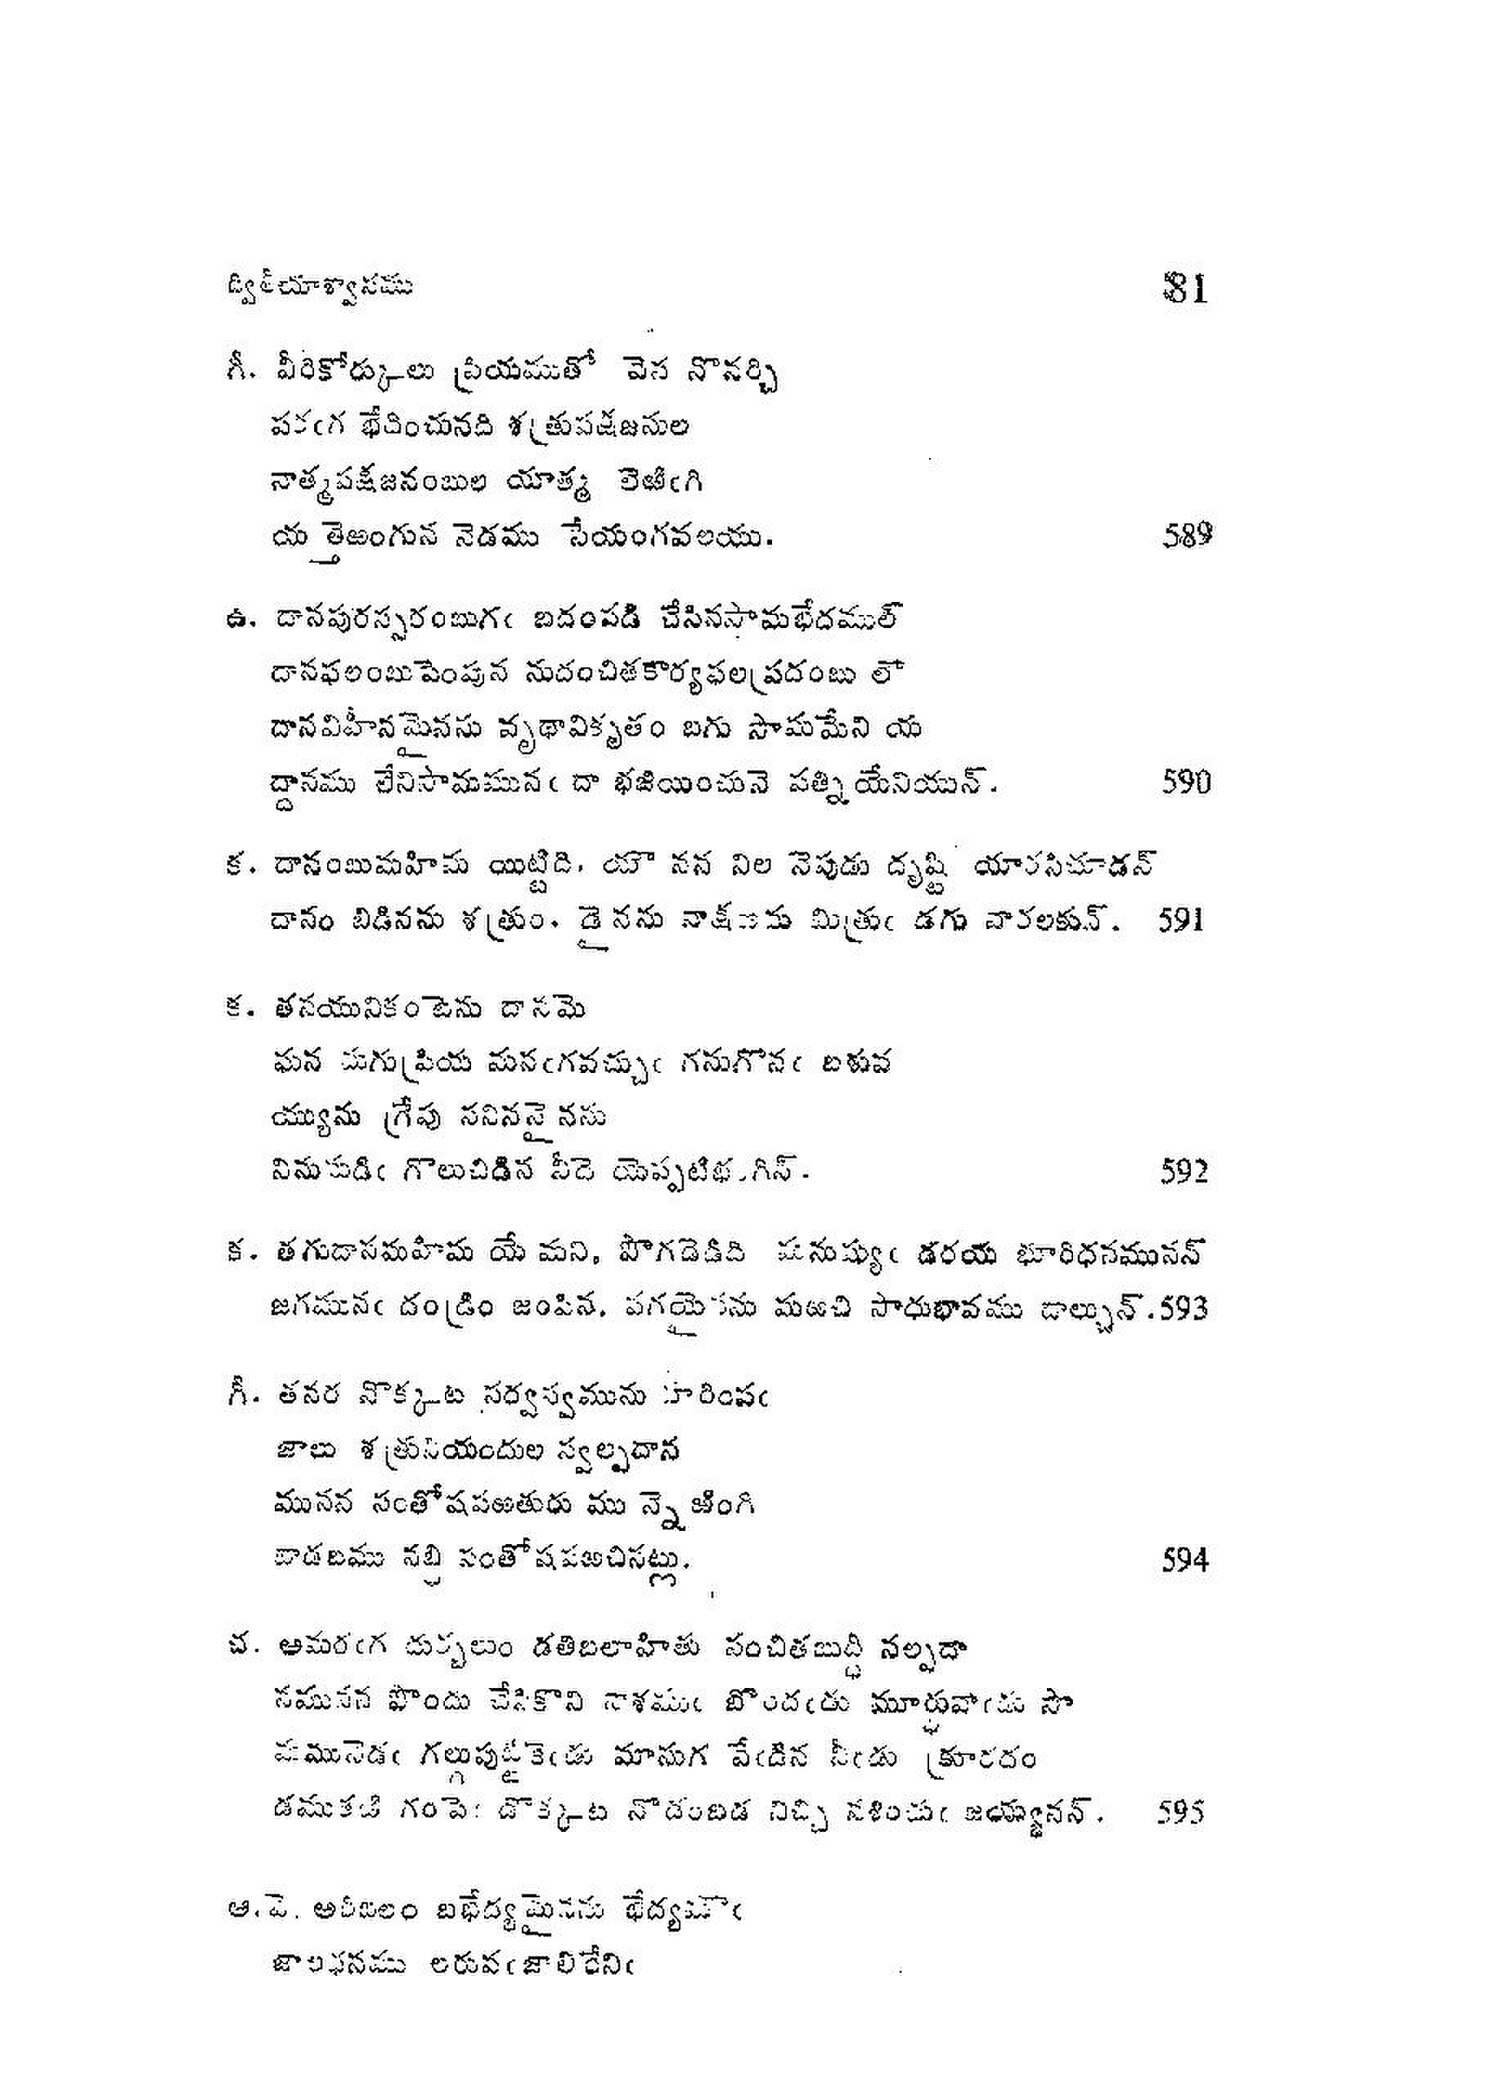గీ. వీరికోర్కులు ప్రియముతో వెస నొనర్చి
పరఁగ భేదించునది శత్రుపక్షజనుల
నాత్మపక్షజనంబుల యాత్మ లెఱిఁగి
యత్తెఱంగున నెడము సేయంగవలయు. 589

ఉ. దానపురస్కరంబుగఁ బదంపడి చేసినసామభేదముల్
దానఫలంబుపెంపున నుదంచితకార్యఫలప్రదంబు లౌ
దానవిహీనమౌనను వృథావికృతం బగు సామమేని య
ద్దానము లేనిసామమునఁ దా భజియించునె పత్నియేనియున్. 590

క. దానంబుమహిమ యిట్టిది
యౌ నన నిల నెపుడు దృష్టి యారసిచూడన్
దానం బిడినను శత్రుం
డైనను నాక్షణమ మిత్రుఁ డగు వారలకున్. 591

క. తనయునికంటెను దానమె
ఘన మగుప్రియ మనఁగవచ్చుఁ గనుగొనఁ బశువ
య్యును గ్రేపు సనిననైనను
నినుమడిఁ గొలుచిడిన నీదె యెప్పటిభంగిన్. 592

క. తగుదానమహిమ యే మని
పొగడెడిది మనుష్యుఁ డరయ భూరిధనమునన్
జగమునఁ దండ్రిం జంపిన
పగయైనను మఱచి సాధుభావము దాల్చున్. 593

గీ. తనర నొక్కట సర్వస్వమును హరింపఁ
జాలు శత్రునియందుల స్వల్పదాన
మునన సంతోషపఱతురు ము న్నెఱింగి
బాడబము నబ్ధి సంతోషపఱచినట్లు. 594

చ. అమరఁగ దుర్బలుం డతిబలాహితు సంచితబుద్ధి నల్పదా
నమునను పొందు చేసికొని నాశముఁ బొందఁడు మూర్ఖువాఁడు సా
మమునెడఁ గల్గుపుట్టికెఁడు మానుగ వేఁడిన నీఁడు క్రూరదం
డముతఱి గంపెఁ డొక్కట నొడంబడ నిచ్చి నశించుఁ జయ్యనన్. 595

ఆ. అరిబలం బభేద్యమైనను భేద్యమౌఁ
జాలధనము లరువఁ జాలిరేనిఁ